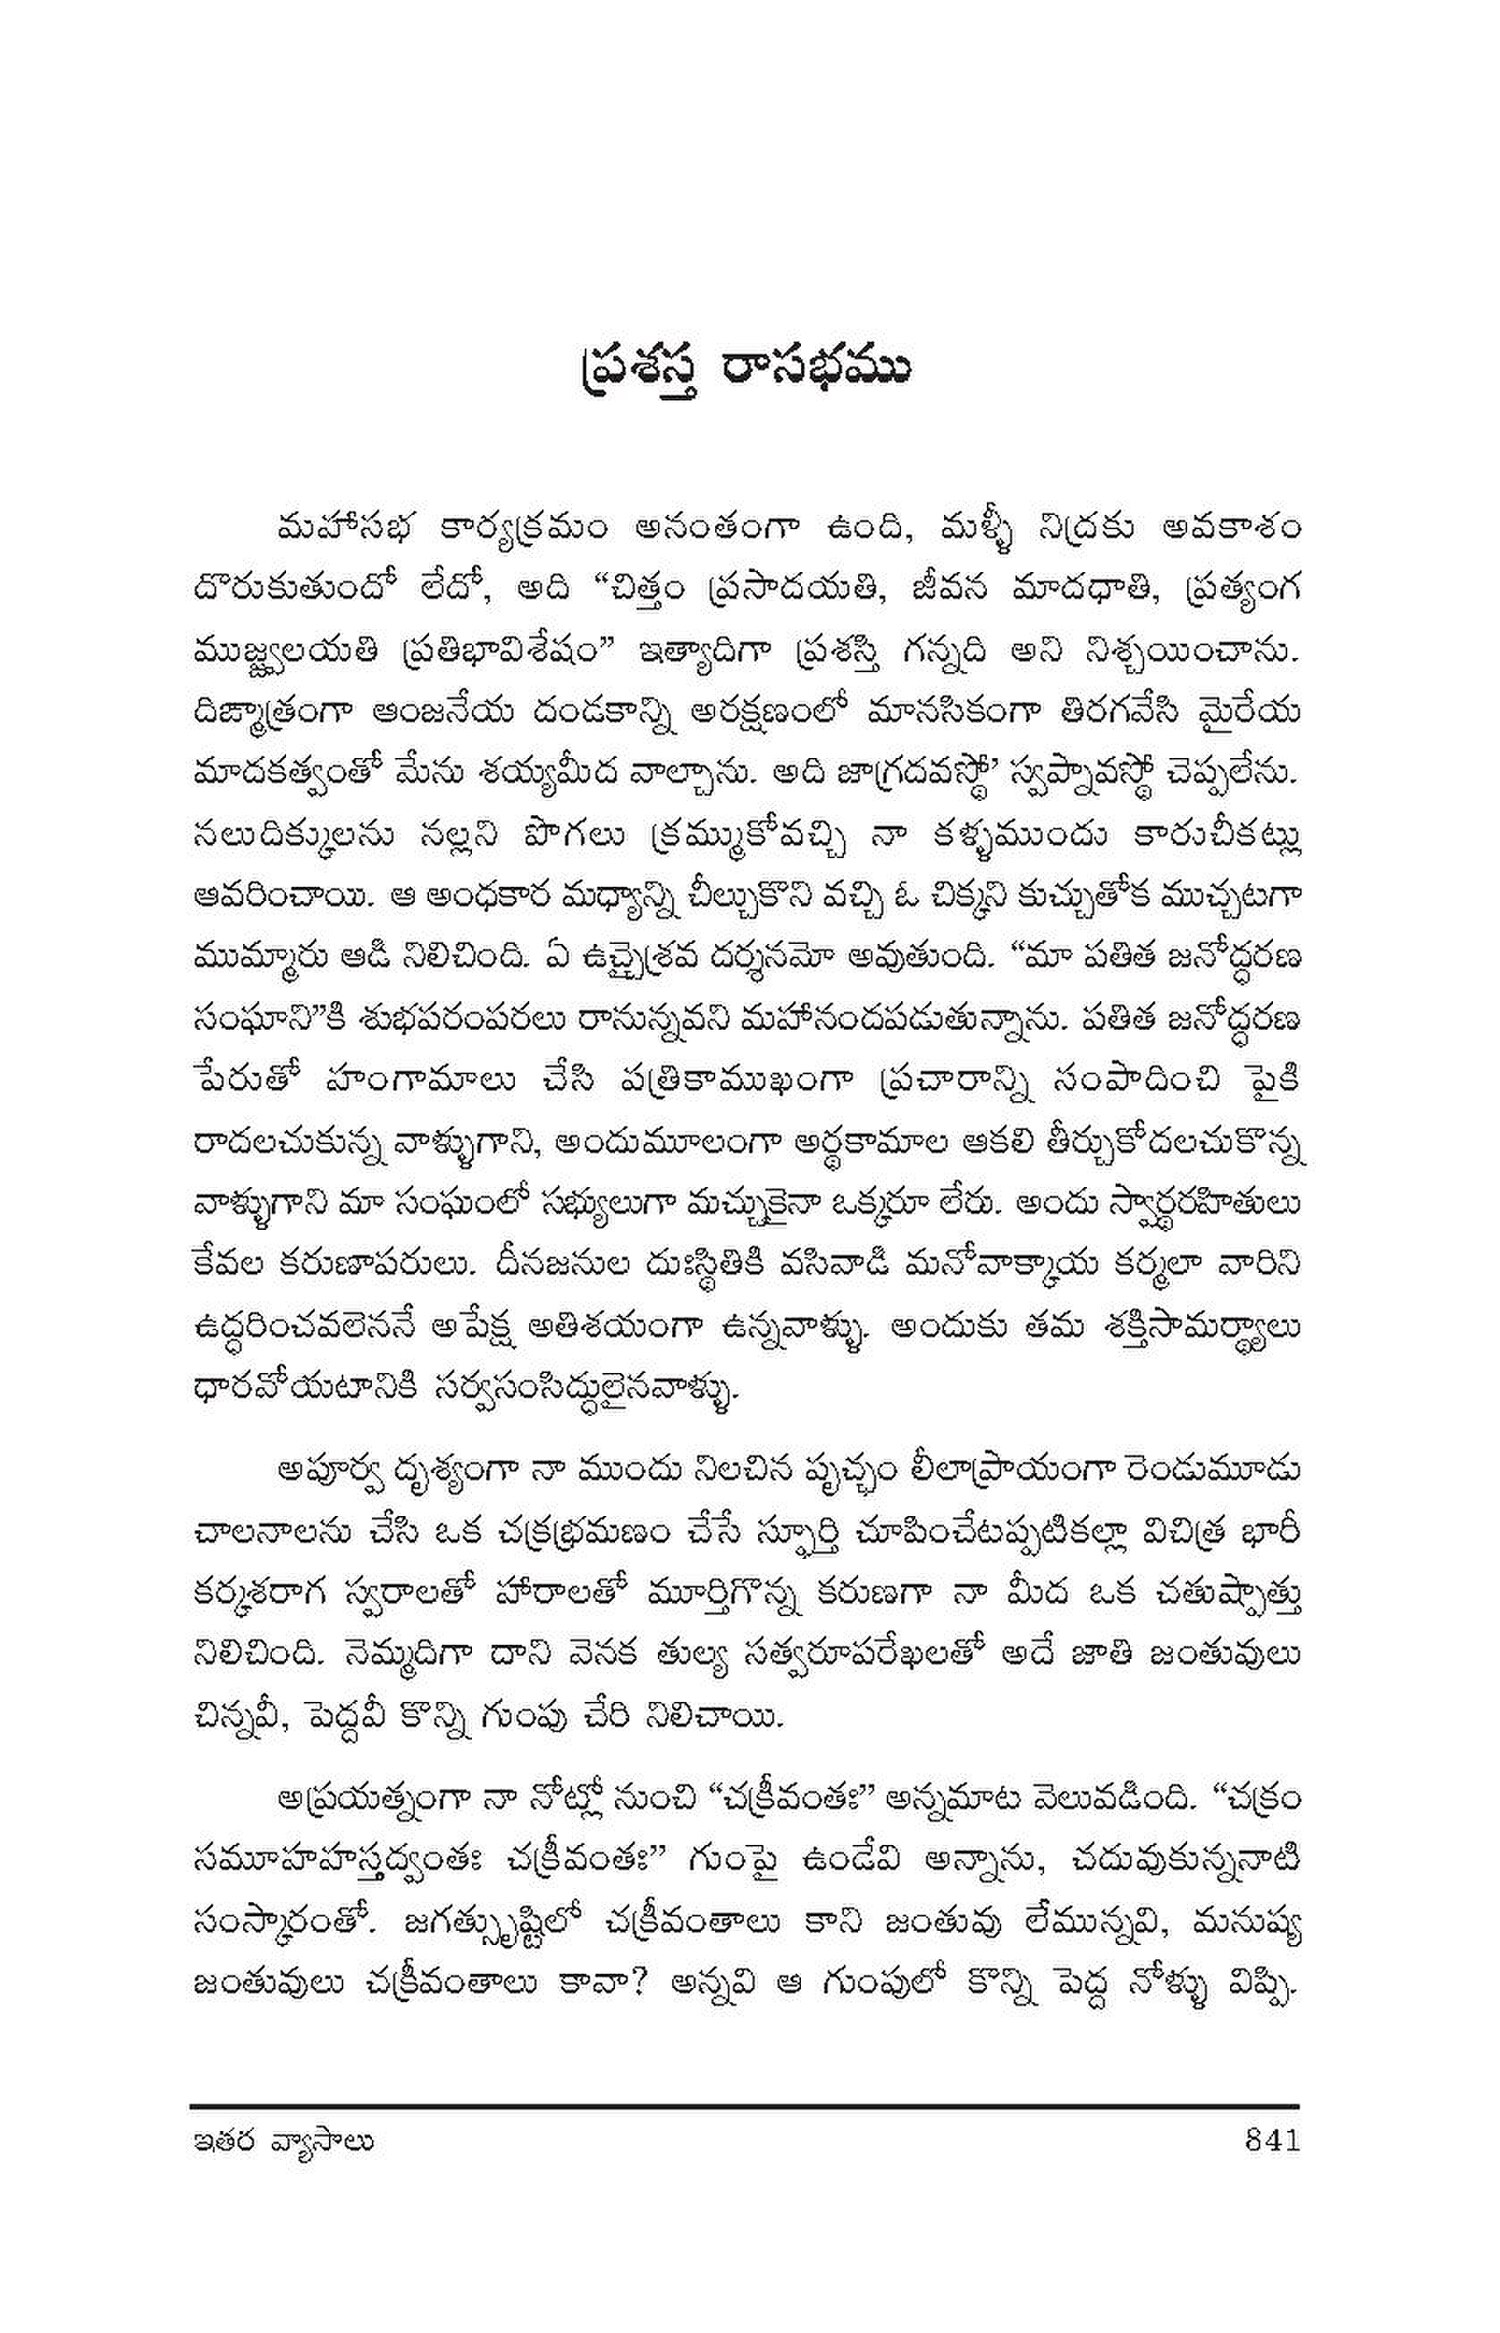ప్రశస్త రాసభము

మహాసభ కార్యక్రమం అనంతంగా ఉంది, మళ్ళీ నిద్రకు అవకాశం
దొరుకుతుందో లేదో, అది “చిత్తం ప్రసాదయతి, జీవన మాదధాతి, ప్రత్యంగ
ముజ్వులయతి ప్రతిభావిశేషం” ఇత్యాదిగా ప్రశస్తి గన్నది అని నిశ్చయించాను.
దిజ్మాత్రంగా ఆంజనేయ దండకాన్ని అరక్షణంలో మానసికంగా తిరగవేసి మైరేయ
మాదకత్వంతో మేను శయ్యమీద వాల్చాను. అది జాగ్రదవస్థో' స్వప్నావస్థో చెప్పలేను.
నలుదిక్కులను నల్లని పొగలు క్రమ్ముకోవచ్చి నా కళ్ళముందు కారుచీకట్లు
ఆవరించాయి. ఆ అంధకార మధ్యాన్ని చీల్చుకొని వచ్చి ఓ చిక్కని కుచ్చుతోక ముచ్చటగా
ముమ్మారు ఆడి నిలిచింది. ఏ ఉచ్చైశ్రవ దర్శనమో అవుతుంది. “మా పతిత జనోద్ధరణ
సంఘాని"కి శుభపరంపరలు రానున్నవని మహానందపడుతున్నాను. పతిత జనోద్ధరణ
పేరుతో హంగామాలు చేసి వత్రికాముఖంగా ప్రచారాన్ని సంపాదించి పైకి
రాదలచుకున్న వాళ్ళుగాని, అందుమూలంగా అర్ధకామాల ఆకలి తీర్చుకోదలచుకొన్న
వాళ్ళుగాని మా సంఘంలో సభ్యులుగా మచ్చుకైనా ఒక్కరూ లేరు. అందు స్వార్ధరహితులు
కేవల కరుణాపరులు. దీనజనుల దుఃస్థితికి వసివాడి మనోవాక్కాయ కర్మలా వారిని
ఉద్ధరించవలెననే అపేక్ష అతిశయంగా ఉన్నవాళ్ళు. అందుకు తమ శక్తిసామర్థ్యాలు
ధారవోయటానికి సర్వసంసిద్ధులైనవాళ్ళు.

అపూర్వ దృశ్యంగా నా ముందు నిలచిన పృచ్ఛం లీలాప్రాయంగా రెండుమూడు
చాలనాలను చేసి ఒక చక్రభ్రమణం చేసే స్ఫూర్తి చూపించేటప్పటికల్లా విచిత్ర భారీ
కర్కశరాగ స్వరాలతో హారాలతో మూర్తిగొన్న కరుణగా నా మీద ఒక చతుష్పాత్తు
నిలిచింది. నెమ్మదిగా దాని వెనక తుల్య సత్వరూపరేఖలతో అదే జాతి జంతువులు
చిన్నవీ, పెద్దవీ కొన్ని గుంపు చేరి నిలిచాయి.

అప్రయత్నంగా నా నోట్లో నుంచి “చక్రీవంతః" అన్నమాట వెలువడింది. “చక్రం
సమూహహస్తద్వంతః చక్రీవంతః" గుంపై ఉండేవి అన్నాను, చదువుకున్ననాటి
సంస్కారంతో. జగత్సౄష్టిలో చక్రీవంతాలు కాని జంతువు లేమున్నవి, మనుష్య
జంతువులు చక్రీవంతాలు కావా? అన్నవి ఆ గుంపులో కొన్ని పెద్ద నోళ్ళు విప్పి.